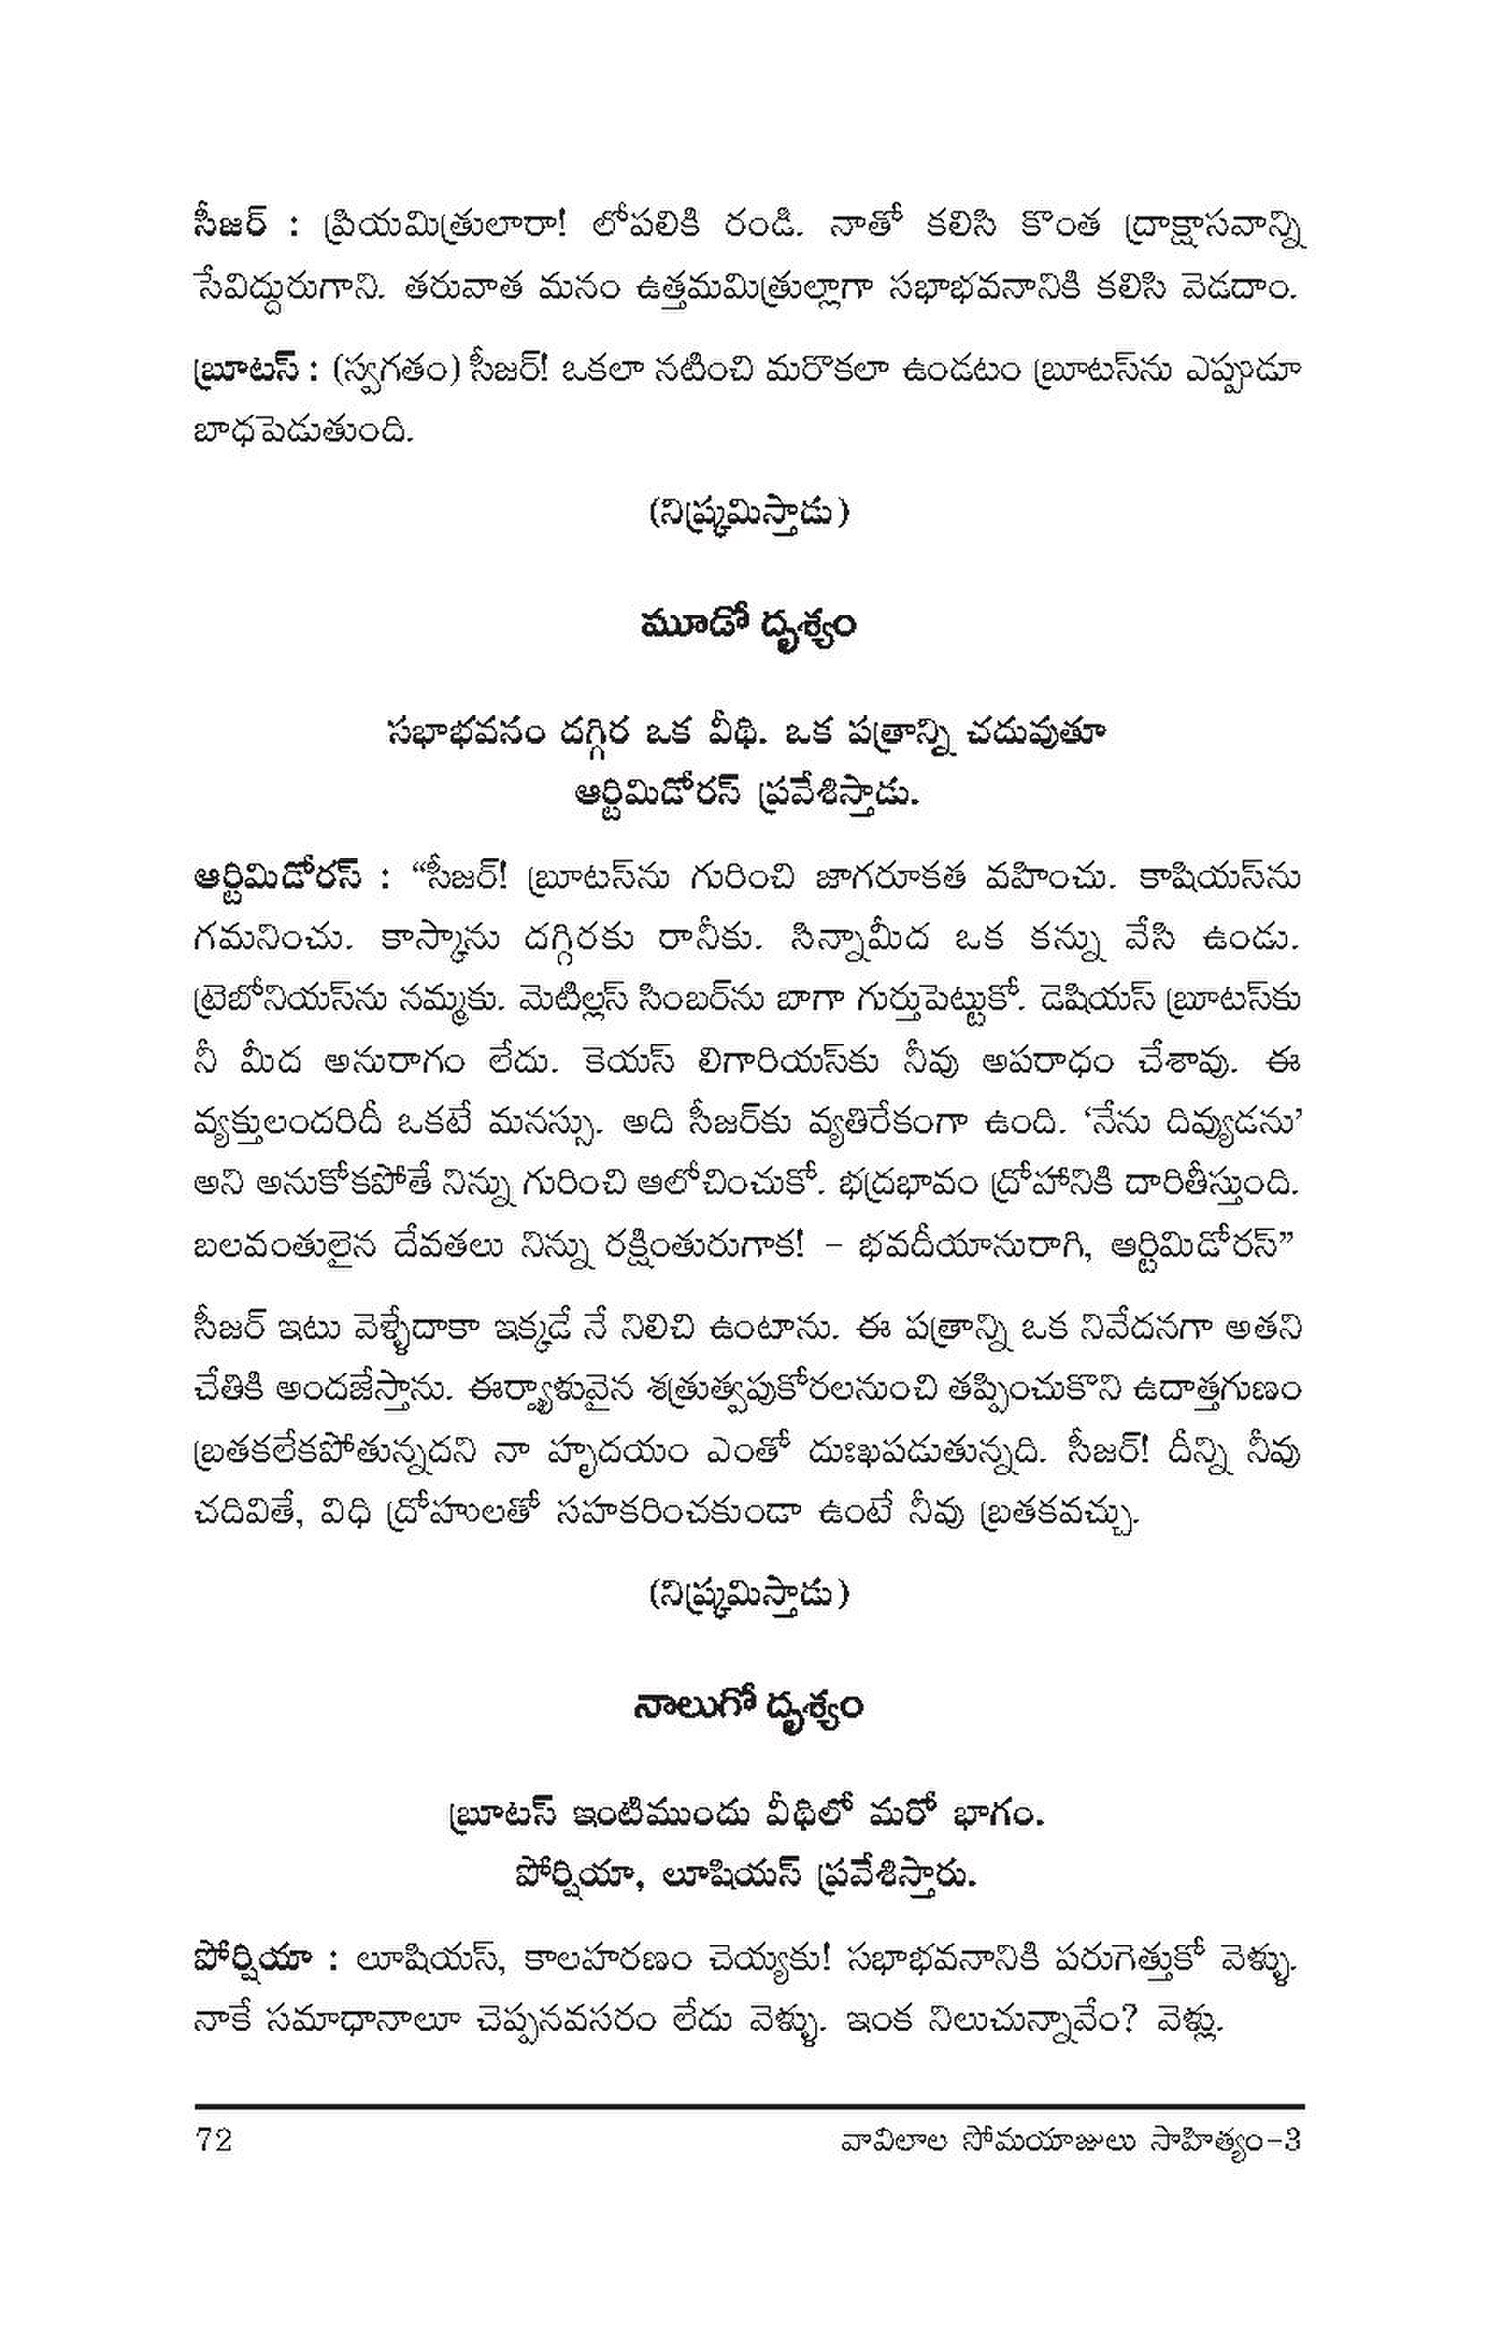సీజర్ : ప్రియమిత్రులారా! లోపలికి రండి. నాతో కలిసి కొంత ద్రాక్షాసవాన్ని సేవిద్దురుగాని. తరువాత మనం ఉత్తమమిత్రుల్లాగా సభాభవనానికి కలిసి వెడదాం.

బ్రూటస్ : (స్వగతం) సీజర్! ఒకలా నటించి మరొకలా ఉండటం బ్రూటస్ ను ఎప్పుడూ బాధపెడుతుంది.

ఆర్టిమిడోరస్ : "సీజర్! బ్రూటస్ ను గురించి జాగరూకత వహించు. కాషియస్ ను గమనించు. కాస్కాను దగ్గరకు రానీకు. నిన్నామీద ఒక కన్ను వేసి ఉండు. ట్రెబోనియస్ ను నమ్మకు. మెటిల్లస్ సింబర్ ను బాగా గుర్తుపెట్టుకో. డెషియస్ బ్రూటస్ కు నీ మీద అనురాగం లేదు. కెయస్ లిగారియస్ కు నీవు అపరాధం చేశావు. ఈ వ్యక్తులందరిదీ ఒకటే మనస్సు. అది సీజర్ కు వ్యతిరేకంగా ఉంది. 'నేను దివ్యుడను' అని అనుకోకపోతే నిన్ను గురించి ఆలోచించుకో. భద్రభావం ద్రోహానికి దారితీస్తుంది. బలవంతులైన దేవతలు నిన్ను రక్షింతురుగాక! - భవదీయానురాగి, ఆర్టిమిడోరస్”

సీజర్ ఇటు వెళ్ళేదాకా ఇక్కడే నే నిలిచి ఉంటాను. ఈ పత్రాన్ని ఒక నివేదనగా అతని చేతికి అందజేస్తాను. ఈర్ష్యాళువైన శత్రుత్వపుకోరలనుంచి తప్పించుకొని ఉదాత్తగుణం బ్రతకలేకపోతున్నదని నా హృదయం ఎంతో దుఃఖపడుతున్నది. సీజర్! దీన్ని నీవు చదివితే, విధి ద్రోహులతో సహకరించకుండా ఉంటే నీవు బ్రతకవచ్చు.

పోర్షియా : లూషియస్, కాలహరణం చెయ్యకు! సభాభవనానికి పరుగెత్తుకో వెళ్ళు. నాకే సమాధానాలూ చెప్పనవసరం లేదు వెళ్ళు. ఇంక నిలుచున్నావేం? వెళ్లు.